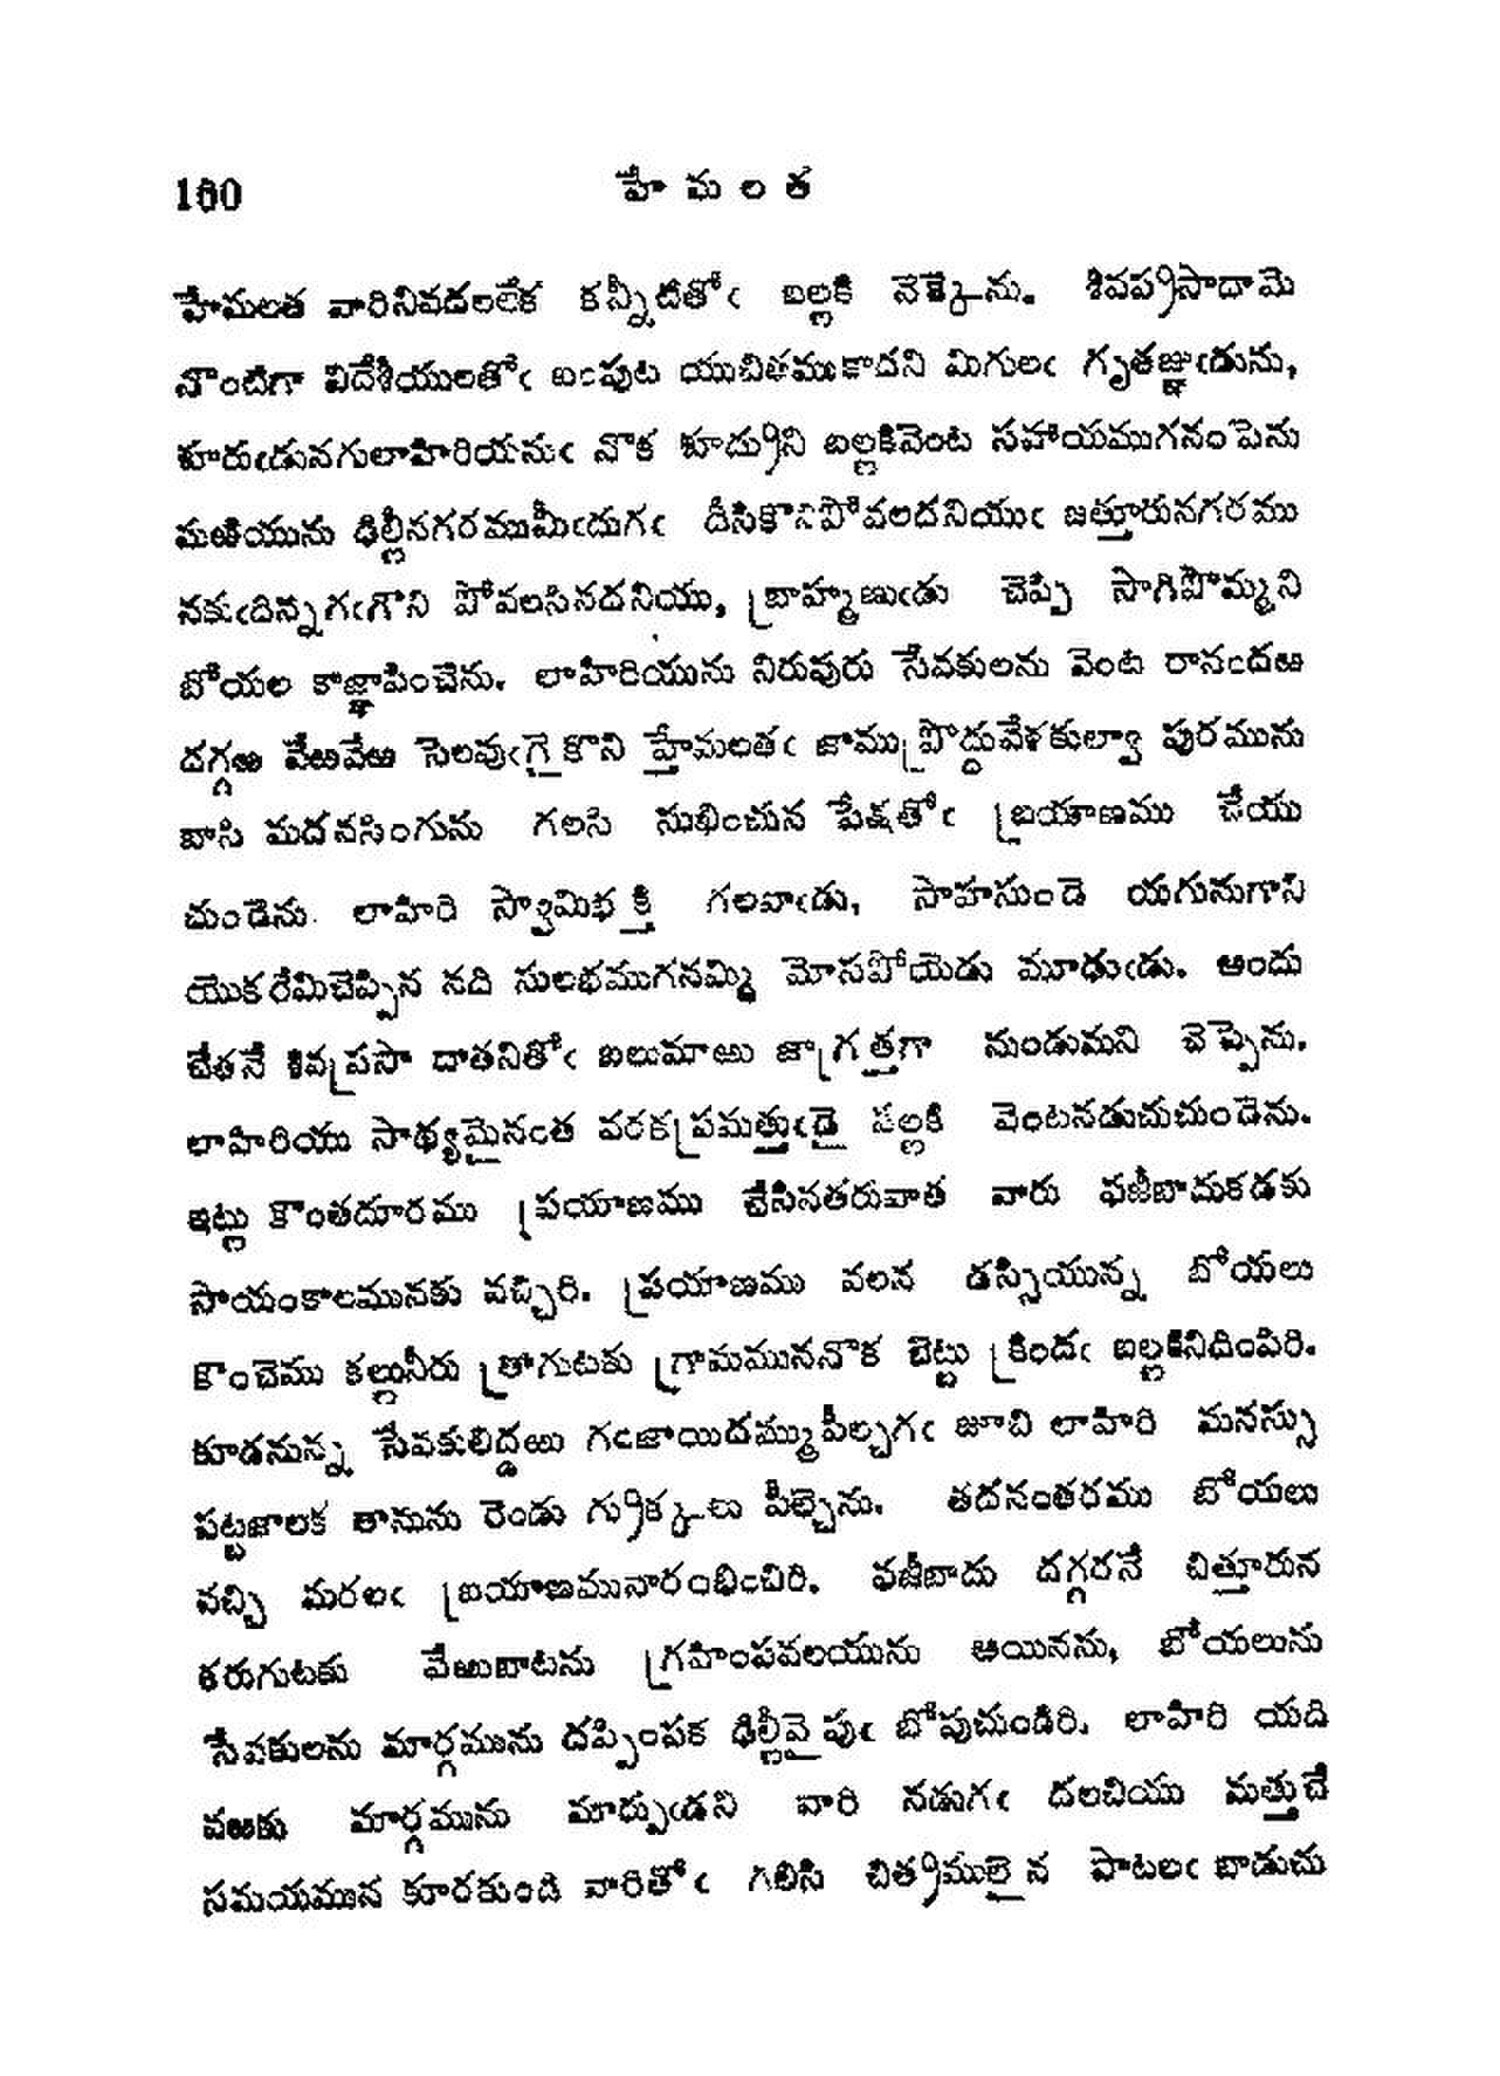హేమలత వారిని వదలలేక కన్నీటితోఁ బల్లకి నెక్కెను. శివప్రసాదామెను నొంటిగా విదేశీయులతో బంపుట యుచితముగాదని మిగులఁ గృతజ్ఞుడును, శూరుడునగు లాహిరియనుఁ వొక శూద్రుని బల్లకివెంట సహాయముగనంపెను. మఱియును ఢిల్లీనగరముమీఁదుగఁ దీసికొనిపోవలదనియుఁ జిత్తూరు నగరముననకుఁదిన్నగఁగొని పోవలసినదనియు, బ్రాహ్మణుఁడు చెప్పి సాగిపొమ్మని బోయల కాజ్ఞాపించెను. లాహిరియును నిరువురు సేవకులను వెంట రానందఱ దగ్గఱ వేఱువేఱు సెలవుఁగైకొని హేమలతఁ జాముప్రొద్దువేళ కుల్వా పురమును బాసి మదనసింగును గలసి సుఖించున పేక్షతోఁ బ్రయాణము చేయుచుండెను. లాహిరి స్వామిభక్తి గలవాడు. సాహసుండె యగునుగాని యొకరేమిచెప్పిన నది సులభముగ నమ్మి మోసపోయెడు మూఢుఁడు. అందుచేతనే శివప్రసా దాతనితోఁ బలుమాఱు జాగ్రత్తగా నుండుమని చెప్పెను. లాహిరియు సాధ్యమైనంత వరకప్రమత్తుఁడై పల్లకి వెంటనడుచుచుండెను. ఇట్లు కొంతదూరము ప్రయాణము చేసినతరువాత వారు ఫజీబాదుకడకు సాయంకాలమునకు వచ్చిరి. ప్రయాణము వలన డస్సియున్న బోయలు కొంచెము కల్లునీరు త్రాగుటకు గ్రామముననొక చెట్టు క్రింద బల్లకిని దింపిరి. కూడనున్న సేవకులిద్దఱు గంజాయిదమ్ముపీల్చగ జూచి లాహిరి మనస్సు పట్టజాలక తానును రెండు గ్రుక్కలు పీల్చెను. తదనంతరము బోయలు వచ్చి మరలఁ బ్రయాణమునారంంభించిరి. ఫజీబాదు దగ్గరనే చిత్తూరునకరుగుటకు వేఱుబాటను గ్రహింపవలయును అయినను, బోయలును సేవకులును మార్గమును దప్పింపక ఢిల్లీవైపుఁ బోవుచుండిరి. లాహిరి యదివఱకు మార్గమును మార్పుఁడని వారి నడుగఁ దలచియు మత్తుచే సమయమున కూరకుండి వారితోఁ గలిసి చిత్రములైన పాటలు బాడుచు